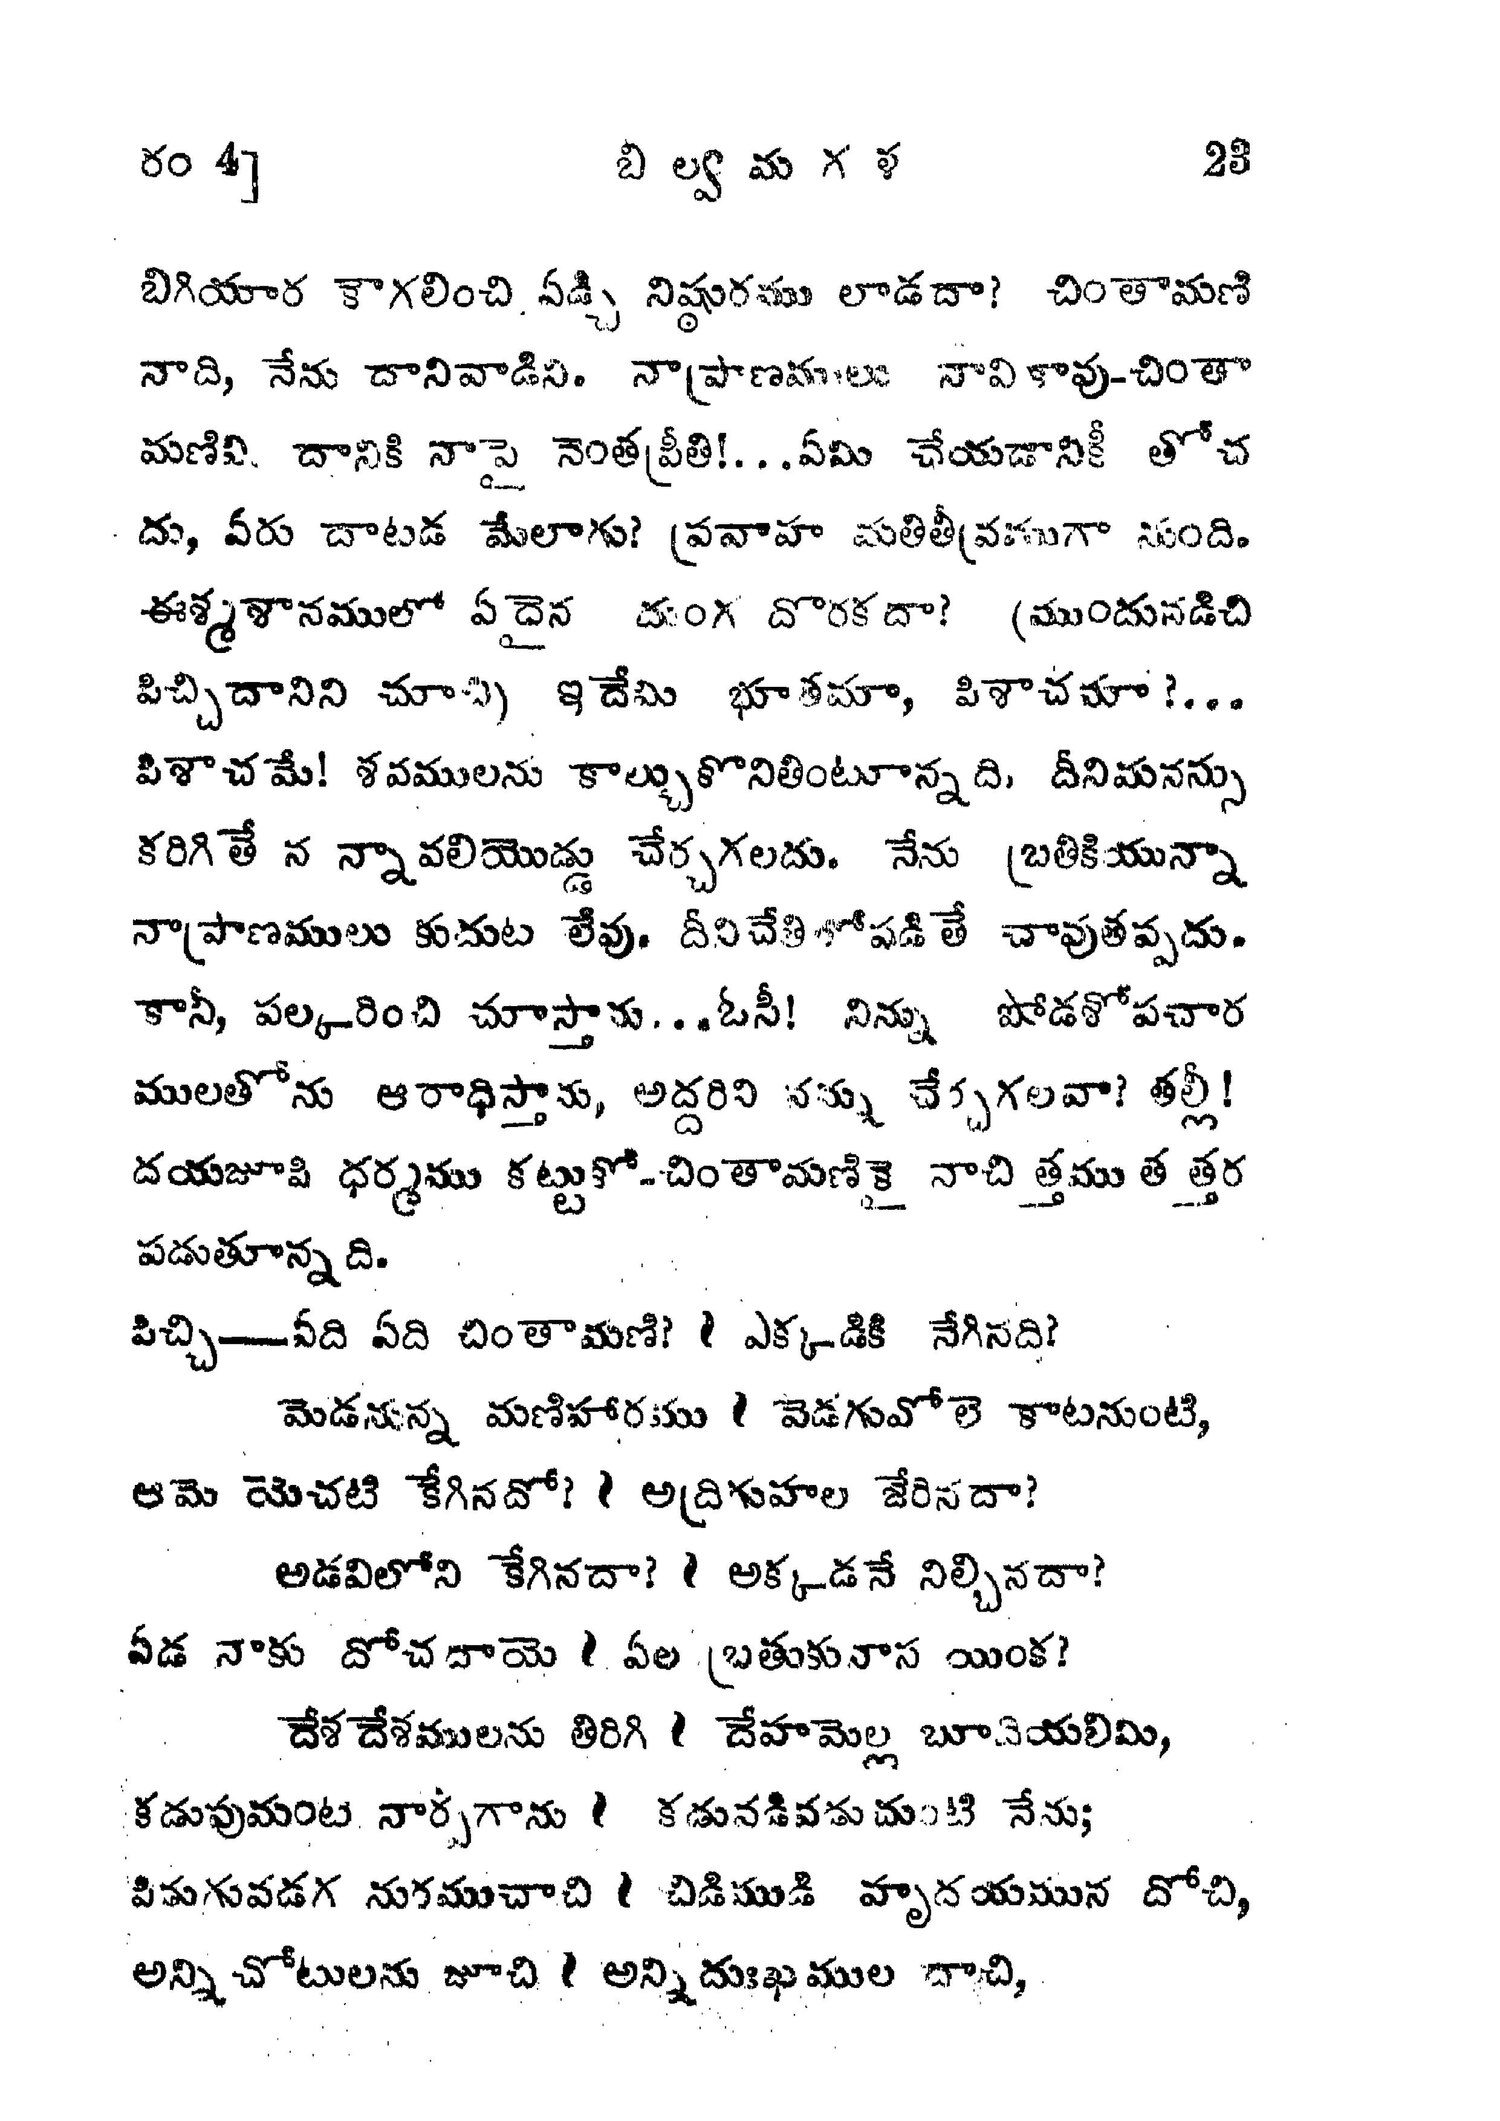బిగియార కౌగలించి ఏడ్చి నిష్ఠురము లాడదా? చింతామణి నాది, నేను దానివాడిని. నాప్రాణములు నావికావు - చింతామణివి. దానికి నాపై నెంతప్రీతి! ... ఏమి చేయడానికీ తోచదు, ఏరు దాటడ మేలాగు? ప్రవాహ మతితీవ్రముగా నుంది. ఈశ్మశానములో ఏదైన దుంగ దొరకదా? (ముందునడిచి పిచ్చిదానిని చూచి) ఇదేమి భూతమా, పిశాచమా?.. పిశాచమే! శవములను కాల్చుకొనితింటూన్నది. దీనిమనస్సు కరిగితే న న్నావలియొడ్డు చేర్చగలదు. నేను బ్రతికియున్నా నాప్రాణములు కుదుట లేవు. దీనిచేతిలోపడితే చావుతప్పదు. కానీ, పల్కరించి చూస్తాను...ఓసీ! నిన్ను షోడశోపచారములతోను ఆరాధిస్తాను, అద్దరిని నన్ను చేర్చగలవా? తల్లీ! దయజూపి ధర్మము కట్టుకో - చింతామణికై నాచిత్తము తత్తర పడుతూన్నది.

 పిచ్చి - ఏది ఏది చింతామణి? ఎక్కడికి నేగినది?
 మెడనున్న మణిహారము వెడగువోలె కాటనుంటి,
 ఆమె యెచటి కేగినదో? అద్రిగుహల జేరినదా?
 అడవిలోని కేగినదా? అక్కడనే నిల్చినదా?
 ఏడ నాకు దోచదాయె ఏల బ్రతుకునాస యింక?
 దేశదేశములను తిరిగి దేహమెల్ల బూదియలిమి,
 కడుపుమంట నార్పగాను కడువడిపడుచుంటి నేను;
 పిడుగువడగ నురముచాచి చిడిముడి హృదయమున దోచి,
 అన్ని చోటులను జూచి అన్ని దు:ఖముల దాచి,